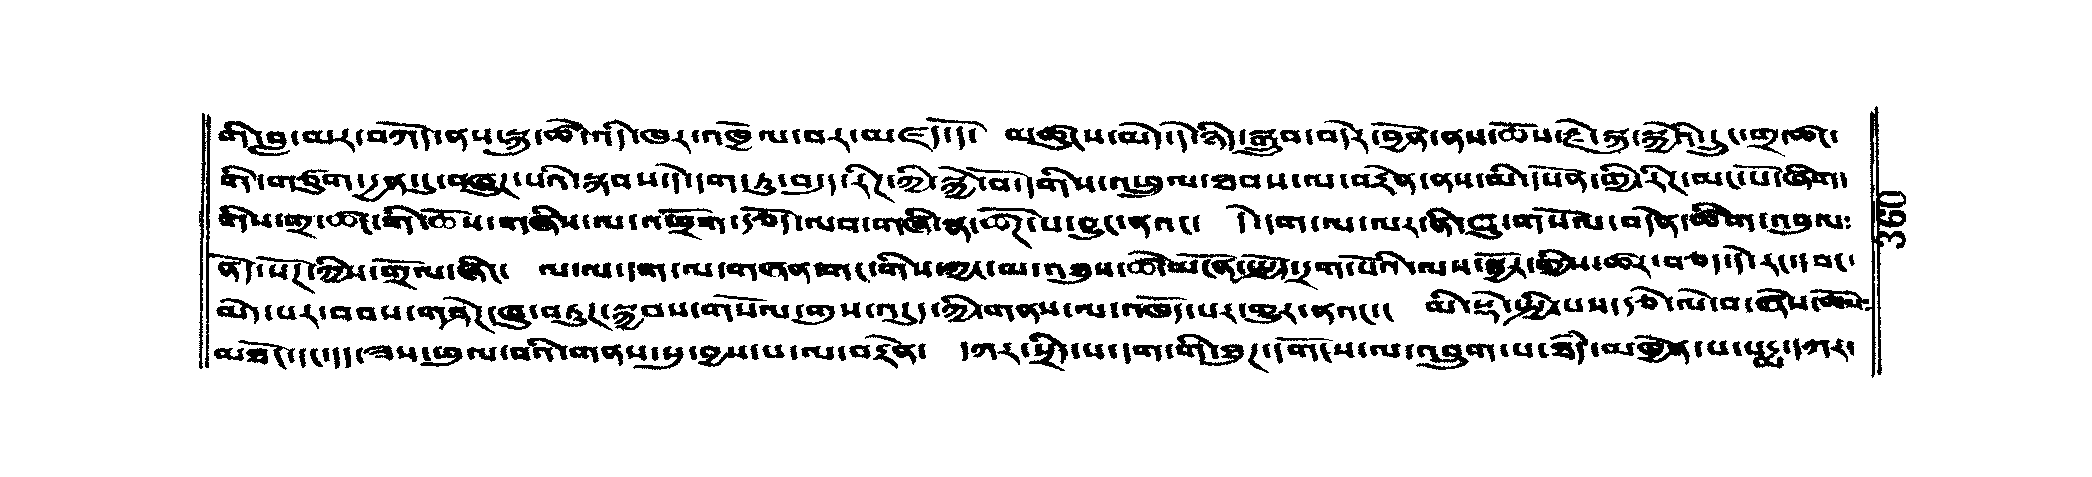གི་བླ་མར་བཀོད་ནས་སྐུ་ཚེ་འདི་གར་འཁྱོལ་བར་མཛད་དོ། མཚུངས་མེད་དེ་ཉིད་སྒྲུབ་སྡེ་བྱོན་ནས་ཆོས་རྗེ་སྐུ་སྐྱེའི་དྲུང་གྲྭ་ཚང་
གི་གཙུག་རྒྱན་དུ་བཞུགས་པའི་སྐབས་དེ་དག་ཏུ་བདུད་རིགས་ཀྱི་སྐྱེ་བོ་དག་གིས་འཕྲུལ་ཐབས་ལ་བརྟེན་ནས་མི་དཔོན་གྱི་རིགས་མང་པོ་ཞིག་
གིས་གྲྭ་ཚང་གི་ཆོས་གཞིས་ལ་འཕྲོག་རྩོད་ལབ་གཞི་སྣ་ཚོགས་པ་བྱུང་ནའང་།དེ་དག་ལ་ལར་ནི་ཞུ་གསོལ་བདེན་ཚིག་འབུལ་
ནོད་སོགས་ཀྱིས་གྲོལ་ཞིང་། ལ་ལ་དག་ལ་གཞན་གང་གིས་ཀྱང་མ་འཐུས་ཚེ་མངོན་སྤྱོད་དྲག་པོའི་ལས་སྦྱོར་གྱིས་ཚར་བཅད་དེ་རང་དབང་
མེད་པར་བབ་བཤགས་ཞུ་བཏུགས་སྐྱབས་གསོལ་གུས་འདུད་ཀྱི་གནས་ལ་འཁོད་པར་གྱུར་ནའང་། མི་སྡེ་སྤྱི་པས་རྩེ་ལེ་བ་ཞེས་ཆོས་
མཐོངས་དང་དད་ཟས་ཕུལ་བའི་གནས་སུ་བྱས་པ་ལ་བརྟེན། དཀར་སྲིད་པ་དག་གི་ཐུགས་དགོངས་ལ་འབྲུག་པ་ཐམས་ཅད་མཁྱེན་པ་པདྨ་དཀར་